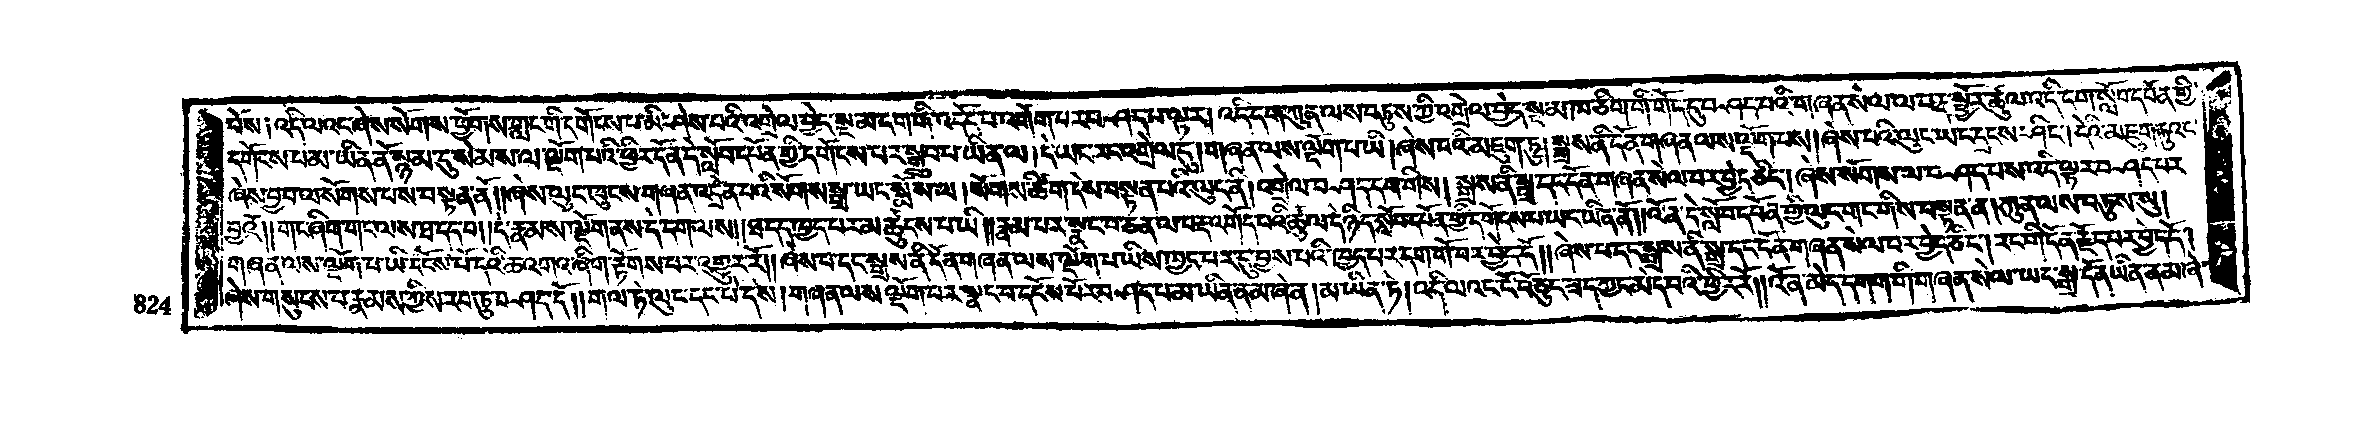པོས༑ འདི་ལའང་ཞེས་སོགས་ཕྱོགས་གླང་གི་དགོངས་པ་མི་ཤེས་པའི་འགྲེལ་བྱེད་སྔ་མ་དག་གི་འདོད་པ་འགོག་པར་བཤད་པ་ལྟར། འདི་དག་ཀུན་ལས་བཏུས་ཀྱི་འགྲེལ་བྱེད་སྔ་མ་ཁ་ཅིག་གི་གོང་དུ་བཤད་པའི་གཞན་སེལ་ལ་བརྡ་སྦྱོར་ཚུལ་འདི་དག་སློབ་དཔོན་གྱི་
དགོངས་པ་མ་ཡིན་ནོ་སྙམ་དུ་སེམས་ལ་ལྡོག་པའི་ཕྱིར་དོན་དེ་སློབ་དཔོན་གྱི་དགོངས་པར་སྒྲུབ་པ་ཡིན་ལ། དེ་ཡང་རང་འགྲེལ་དུ། གཞན་ལས་ལྡོག་པ་ཡི། ཞེས་པའི་མཇུག་ཏུ། སྒྲས་ནི་དོན་གཞན་ལས་ལྡོག་པས། ཞེས་པའི་ལུང་ཡང་དྲངས་ཤིང་། དེའི་མཇུག་ཏུའང་
ཞེས་བྱ་བ་ལ་སོགས་པས་བསྟན་ནོ། ཞེས་ལུང་ཁུངས་གཞན་འདྲེན་པའི་སོགས་སྒྲ་ཡང་སྨོས་ལ། སོགས་ཚིག་དེས་བསྟན་པའི་ལུང་ནི། འགྲེལ་བཤད་དག་གིས། སྒྲས་ནི་སྒྲ་དང་དོན་གཞན་སེལ་བར་བྱེད་ཅིང་། ཞེས་སོགས་ལ་བཤད་པས་འདི་ལྟར་བཤད་པར་
བྱའོ། །གང་ཞིག་གང་ལས་ཐ་དད་བ། །དེ་རྣམས་ལྡོག་ནས་དེ་དག་ལས། །ཐ་དད་ཁྱད་པར་མཚུངས་པ་ཡི། །རྣམ་པར་སྣང་བ་ཅན་ལ་བརྡ་འགོད་པའི་ཚུལ་དེ་ཉིད་སློབ་དཔོན་གྱི་དགོངས་པ་ཡང་མིན་ནོ། །འོ་ན། དེ་སློབ་དཔོན་གྱི་ལུང་གང་གིས་བསྟན་ན། ཀུན་ལས་བཏུས་སུ།
གཞན་ལས་ལྡོག་པ་ཡི་དངོས་པོ་དེའི་ཆ་འགའ་ཞིག་རྟོགས་པར་འགྱུར་རོ། །ཞེས་པ་དང་སྒྲས་ནི་དོན་གཞན་ལས་ལྡོག་པ་ཡིས་ཁྱད་པར་དུ་བྱས་པའི་ཁྱད་པར་དག་གོ་བར་བྱེད་དོ། །ཞེས་པ་དང་སྒྲས་ནི་སྒྲ་དང་དོན་གཞན་སེལ་བར་བྱེད་ཅིང་། རང་གི་དོན་རྗོད་པར་བྱེད་དོ།
ཞེས་གསུངས་པ་རྣམས་ཀྱིས་རབ་ཏུ་བཤད་དོ། །གལ་ཏེ་ལུང་དང་པོ་དེས། གཞན་ལས་ལྡོག་པར་སྣང་བ་དངོས་པོར་བཤད་པ་མ་ཡིན་ནམ་ཞེ་ན། མ་ཡིན་ཏེ། འདི་ལའང་ངོ་བོ་ཅུང་ཟད་ཀྱང་མེད་པའི་ཕྱིར་རོ། །འོ་ན་མེད་དགག་གི་གཞན་སེལ་ཡང་སྒྲ་དོན་ཡིན་ནམ་ཞེ་